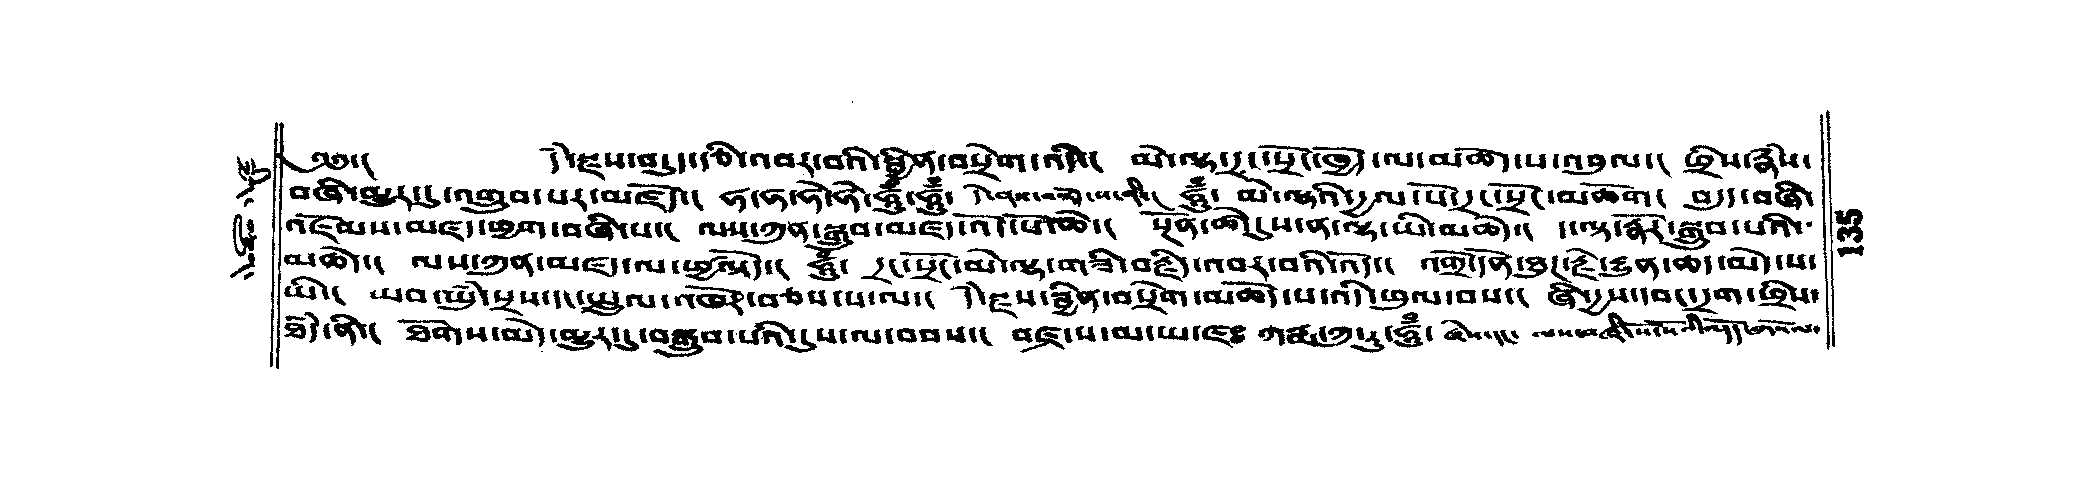དམ་རྫས་བདུད་རྩི་འབར་བའི་སྦྱིན་སྲེག་འདི། །མེ་ལྷ་དྲང་སྲོང་ཁྱོད་ལ་མཆོད་པ་འབུལ། །ཕྲིན་ལས་རྣམ་
བཞི་མྱུར་དུ་འགྲུབ་པར་མཛོད། །ཧ་ཧ་ཧེ་ཧེ་ཧཱུྃ་ཧཱུྃ། དེ་ནས་བསྟོད་པ་ནི། མེ་ལྷའི་རྒྱལ་པོ་དྲང་སྲོང་མཆོག་བདུད་བཞི་
འཇོམས་མཛད་ཕྱག་བཞི་པ། །ལས་ཀུན་སྒྲུབ་མཛད་འོད་པོ་ཆེ། །སྔོན་ཚེ་དུས་ན་ལྷ་ཡི་མཆེད། །ད་ལྟ་རྣལ་འབྱོར་སྒྲུབ་པའི་
མཆེད། །ལས་ཀུན་མཛད་ལ་ཕྱག་འཚལ་བསྟོད། །ཧཱུྃ། དྲང་སྲོང་མེ་ལྷ་གཟི་བརྗིད་འབར་བའི་འོད། ། འགྲོ་དོན་ཐུགས་རྗེ་རྒྱུན་ཆད་མེད་པ་
ཡི། །ཡབ་ཡུམ་སྲས་དང་སྤྲུལ་འཁོར་བཅས་པ་ལ། །དམ་རྫས་སྦྱིན་བསྲེག་མཆོད་པ་འདི་ཕུལ་བས། །ཞི་རྒྱས་དབང་དྲག་ཕྲིན་ལས་
ཐམས་ཅད་ནི། །ཐོགས་མེད་མྱུར་དུ་བསྒྲུབ་པའི་དུས་ལ་བབས། །བཛྲ་ས་མ་ཡ་ཛཿ ཀརྨ་ཀུ་རུ་ཧཱུྃ། ཞེས་དང་། ལས་བཞི་སོ་སོའི་འདོད་གསོལ་